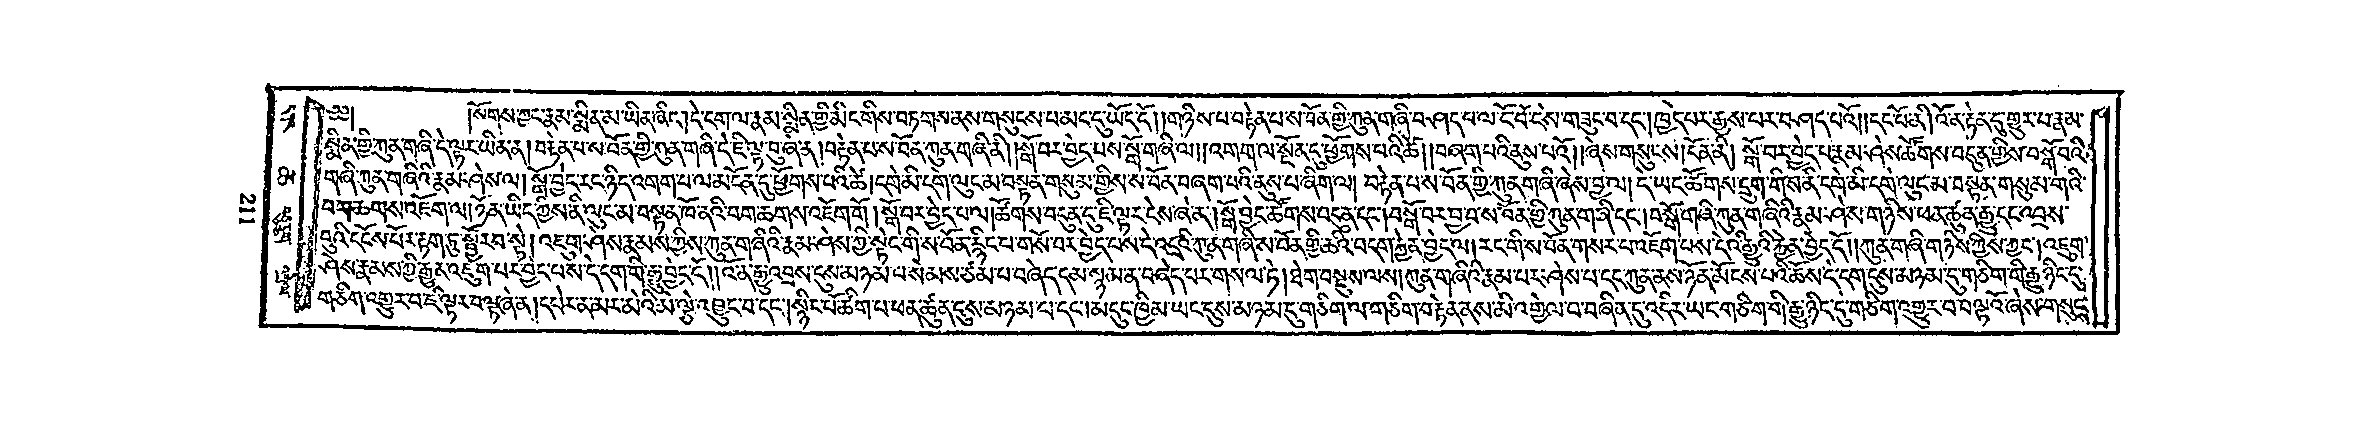༄༅། །སོགས་ཀྱང་རྣམ་སྨིན་མ་ཡིན་ཞིང་། དེ་དག་ལ་རྣམ་སྨིན་གྱི་མིང་གིས་བཏགས་ནས་གསུངས་པ་མང་དུ་ཡོད་དོ། །གཉིས་པ་བརྟེན་པ་ས་བོན་གྱི་ཀུན་གཞི་བཤད་པ་ལ་ངོ་བོ་ངེས་གཟུང་བ་དང་། ཁྱེད་པར་རྒྱས་པར་བཤད་པའོ། །དང་པོ་ནི། འོ་ན་རྟེན་དུ་གྱུར་པ་རྣམ་
སྨིན་གྱི་ཀུན་གཞི་དེ་ལྟར་ཡིན་ན། བརྟེན་པ་ས་བོན་གྱི་ཀུན་གཞི་དེ་ཇི་ལྟ་བུ་ཞེ་ན། བརྟེན་པ་ས་བོན་ཀུན་གཞི་ནི། །སྒོ་བར་བྱེད་པས་སྒོ་གཞི་ལ། །འགག་ལ་སྔོན་དུ་ཕྱོགས་པའི་ཚེ། །བཞག་པའི་ནུས་པའོ། །ཞེས་གསུངས། དོན་ནི། སྒོ་བར་བྱེད་པ་རྣམ་ཤེས་ཚོགས་བདུན་གྱིས་བསྒོ་བའི་
གཞི་ཀུན་གཞིའི་རྣམ་ཤེས་ལ། སྒོ་བྱེད་རང་ཉིད་འགག་པ་ལ་མངོན་དུ་ཕྱོགས་པའི་ཚེ། དགེ་མི་དགེ་ལུང་མ་བསྟན་གསུམ་གྱིས་ས་བོན་བཞག་པའི་ནུས་པ་ཞིག་ལ། བརྟེན་པ་ས་བོན་གྱི་ཀུན་གཞི་ཞེས་བྱ་ལ། དེ་ཡང་ཚོགས་དྲུག་གིས་ནི་དགེ་མི་དགེ་ལུང་མ་བསྟན་གསུམ་གའི་
བག་ཆགས་འཇོག་ལ། ཉོན་ཡིད་ཀྱིས་ནི་ལུང་མ་བསྟན་ཁོ་ནའི་བག་ཆགས་འཇོག་གོ །སྒོ་བར་བྱེད་པ་ལ། ཚོགས་བདུན་དུ་ཇི་ལྟར་ངེས་ཞེ་ན། སྒོ་བྱེད་ཚོགས་བདུན་དང་། བསྒོ་བར་བྱ་བ་ས་བོན་གྱི་ཀུན་གཞི་དང་། བསྒོ་གཞི་ཀུན་གཞིའི་རྣམ་ཤེས་གཉིས་ཕན་ཚུན་རྒྱུ་དང་འབྲས་
བུའི་དངོས་པོར་རྟག་ཏུ་སྦྱོར་བ་སྟེ། འཇུག་ཤེས་རྣམས་ཀྱིས་ཀུན་གཞིའི་རྣམ་ཤེས་ཀྱི་སྟེང་གི་ས་བོན་རྙིང་པ་གསོ་བར་བྱེད་པས་དེ་འདྲའི་ཀུན་གཞི་ས་བོན་གྱི་ཆའི་བདག་རྐྱེན་བྱེད་ལ། རང་གི་ས་བོན་གསར་པ་འཇོག་པས་དེའི་རྒྱུའི་རྐྱེན་བྱེད་དོ། །ཀུན་གཞི་གཉིས་ཀྱིས་ཀྱང་། འཇུག་
ཤེས་རྣམས་ཀྱི་རྒྱུན་འཇིག་པར་བྱེད་པས་དེ་དག་གི་རྒྱུ་བྱེད་དོ། །འོ་ན་རྒྱུ་འབྲས་དུས་མཉམ་པ་སེམས་ཙམ་པ་བཞེད་དམ་སྙམ་ན་བཞེད་པར་གསལ་ཏེ། ཐེག་བསྡུས་ལས། ཀུན་གཞིའི་རྣམ་པར་ཤེས་པ་དང་ཀུན་ནས་ཉོན་མོངས་པའི་ཆོས་དེ་དག་དུས་མཉམ་དུ་གཅིག་གི་རྒྱུ་ཉིད་དུ་
གཅིག་འགྱུར་བ་ཇི་ལྟར་བལྟ་ཞེ་ན། དཔེར་ན་མར་མེའི་མེ་ལྕེ་འབྱུང་བ་དང་། སྙིང་པོ་ཚིག་པ་ཕན་ཚུན་དུས་མཉམ་པ་དང་། མདུང་ཁྱིམ་ཡང་དུས་མཉམ་དུ་གཅིག་ལ་གཅིག་བརྟེན་ནས་མི་འགྱེལ་བ་བཞིན་དུ་འདིར་ཡང་གཅིག་གི་རྒྱུ་ཉིད་དུ་གཅིག་འགྱུར་བ་བལྟའོ་ཞེས་གསུངས་